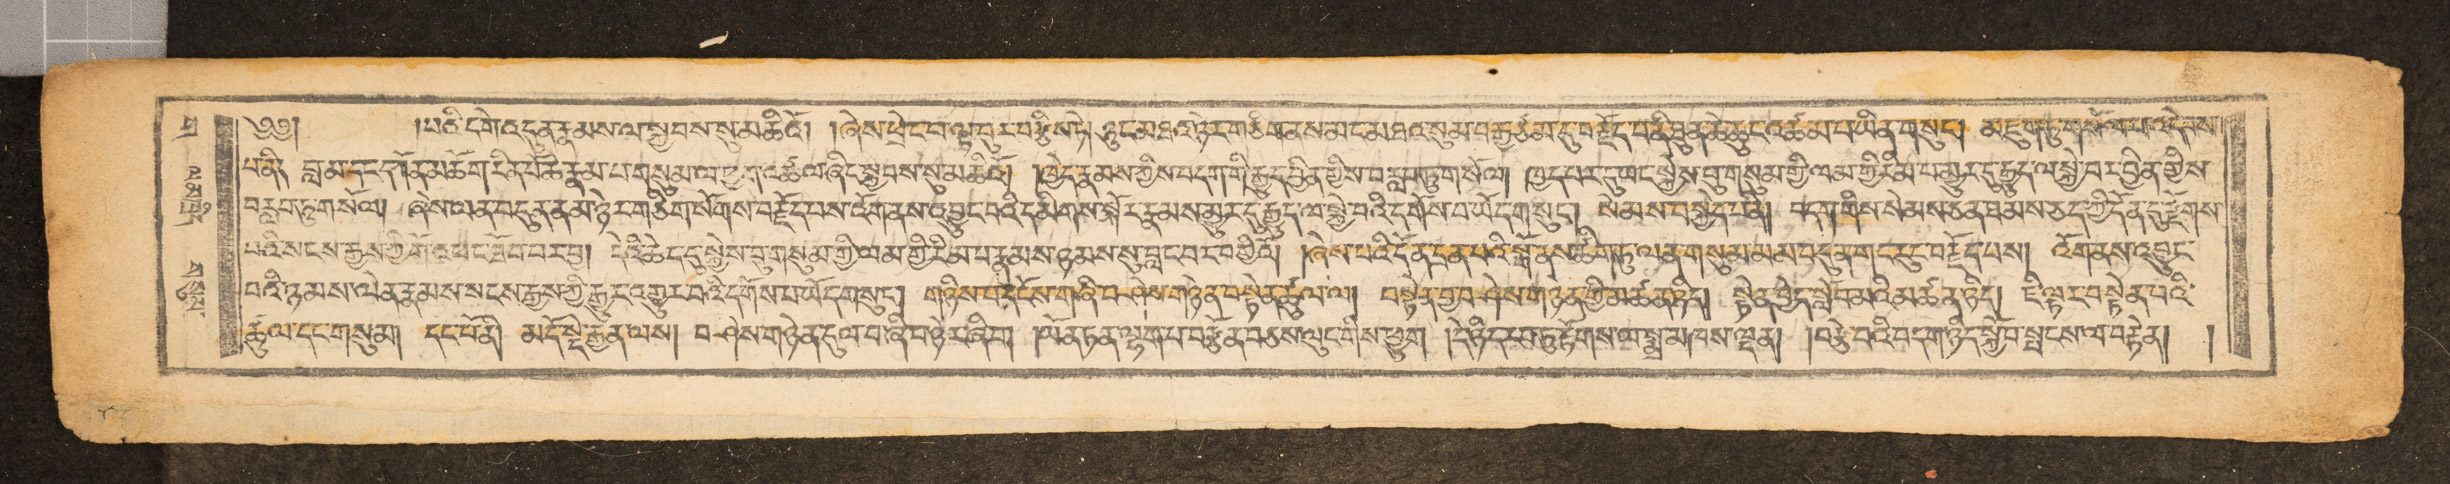༄༅། །པའི་དགེ་འདུན་རྣམས་ལ་སྐྱབས་སུ་མཆིའོ། །ཞེས་ཕྲེང་པ་ལྟ་བུར་བརྩིས་ཏེ། ཉུང་མཐའ་ཉེར་གཅིག་ནས་མང་མཐའ་སུམ་བརྒྱ་ཙམ་དུ་བརྗོད་པ་ནི་ཐུན་ཆེ་ཆུང་འཚམ་པ་ཡིན་གསུང་། མཇུག་ཏུ་གསོལ་པ་འདེབས་
པ་ནི༑ བླ་མ་དང་དཀོན་མཆོག་རིན་པོ་ཆེ་རྣམ་པ་གསུམ་ལ་ཕྱག་འཚལ་ཞིང་སྐྱབས་སུ་མཆིའོ། །ཁྱེད་རྣམས་ཀྱིས་བདག་གི་རྒྱུད་བྱིན་གྱིས་བརླབ་ཏུ་གསོལ། ཁྱད་པར་དུ་ཡང་སྐྱེས་བུ་གསུམ་གྱི་ལམ་གྱི་རིམ་པ་མྱུར་དུ་རྒྱུད་ལ་སྐྱེ་བར་བྱིན་གྱིས་
བརླབ་ཏུ་གསོལ། ཞེས་ལན་བདུན་ནམ་ཉེར་གཅིག་སོགས་བརྗོད་པས་འོག་ནས་འབྱུང་བའི་དམིགས་སྐོར་རྣམས་མྱུར་དུ་རྒྱུད་ལ་སྐྱེ་བའི་དགོས་པ་ཡོད་གསུང་། སེམས་བསྐྱེད་པ་ནི། བདག་གིས་སེམས་ཅན་ཐམས་ཅད་ཀྱི་དོན་དུ་རྫོགས་
པའི་སངས་རྒྱས་ཀྱི་གོ་འཕང་ཐོབ་པར་བྱ། དེའི་ཆེད་དུ་སྐྱེས་བུ་གསུམ་གྱི་ལམ་གྱི་རིམ་པ་རྣམས་ཉམས་སུ་བླང་བར་བགྱིའོ། །ཞེས་པའི་དོན་དྲན་པའི་སྒོ་ནས་ཚིག་ཏུ་ལན་གསུམ་མམ་བདུན་གང་རུང་བརྗོད་པས། འོག་ནས་འབྱུང་
བའི་ཉམས་ལེན་རྣམས་སངས་རྒྱས་ཀྱི་རྒྱུར་འགྱུར་བའི་དགོས་པ་ཡོད་གསུང་། གཉིས་པ་དངོས་གཞི་བཤེས་གཉེན་བསྟེན་ཚུལ་ལ། བསྟེན་བྱ་བཤེས་གཉེན་གྱི་མཚན་ཉིད། སྟེན་བྱེད་སློབ་མའི་མཚན་ཉིད། ཇི་ལྟར་བསྟེན་པའི་
ཚུལ་དང་གསུམ། དང་པོ་ནི། མདོ་སྡེ་རྒྱན་ལས། བཤེས་གཉེན་དུལ་བ་ཞི་བ་ཉེར་ཞིག །ཡོན་ཏན་ལྷག་པ་བརྩོན་བཅས་ལུང་གིས་ཕྱུག །དེ་ཉིད་རབ་ཏུ་རྟོགས་ལ་སྨྲ་མཁས་ལྡན། །བརྩེ་བའི་བདག་ཉིད་སྐྱོ་བ་སྤངས་ལ་བརྟེན། །